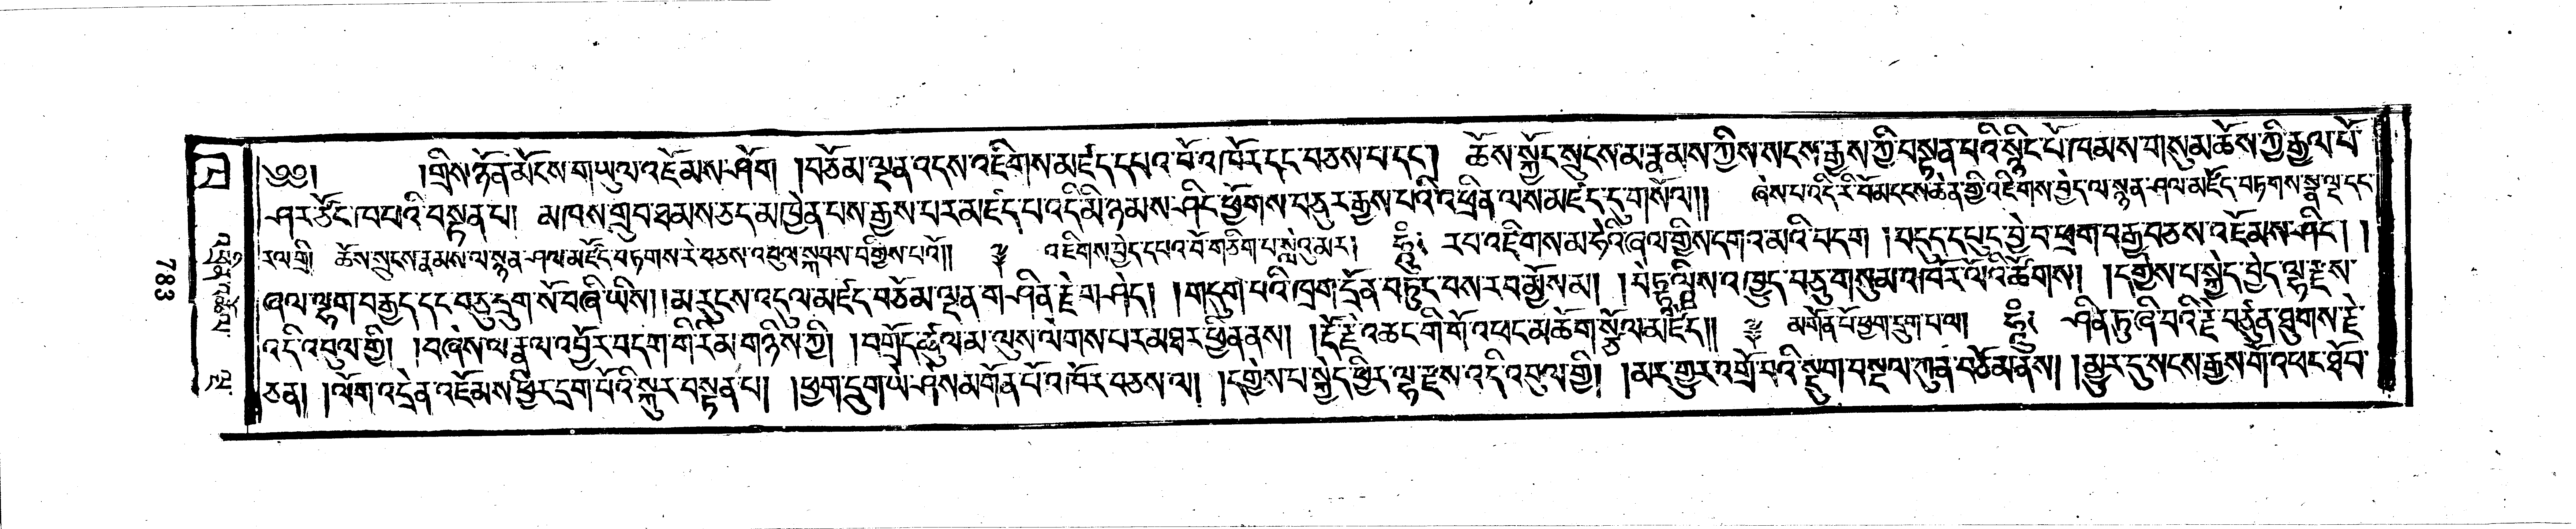༄༅། །གྲིས་ཉོན་མོངས་གཡུལ་འཇོམས་ཤོག །བཅོམ་ལྡན་འདས་འཇིགས་མཛད་དཔའ་བོ་འཁོར་དང་བཅས་པ་དང་། ཆོས་སྐྱོང་སྲུངས་མ་རྣམས་ཀྱིས་སངས་རྒྱས་ཀྱི་བསྟན་པའི་སྙིང་པོ་ཁམས་གསུམ་ཆོས་ཀྱི་རྒྱལ་པོ་
ཤར་ཙོང་ཁ་པའི་བསྟན་པ། མཁས་གྲུབ་ཐམས་ཅད་མཁྱེན་པས་རྒྱས་པར་མཛད་པ་འདི་མི་ཉམས་ཤིང་ཕྱོགས་བཅུར་རྒྱས་པའི་འཕྲིན་ལས་མཛད་དུ་གསོལ།། ཞེས་པ་འདི་རི་བོ་མདངས་ཆེན་གྱི་འཇིགས་བྱེད་ལ་སྙན་ཤལ་མཛོད་བཏགས་སྣ་ལྔ་དང་
རལ་གྲི། ཆོས་སྲུངས་རྣམས་ལ་སྙན་ཤལ་མཛོད་བཏགས་རེ་བཅས་འབུལ་སྐབས་བགྱིས་པའོ།། ༈ འཇིགས་བྱེད་དཔའ་བོ་གཅིག་པ་སླེའུ་མར། ཧཱུཾ༑ རབ་འཇིགས་མ་ཧེའི་ཞལ་གྱིས་དགའ་མའི་བདག །བདུད་དཔུང་བྱེ་བ་ཕྲག་བརྒྱ་བཅས་འཇོམས་ཤིང་། །
ཞལ་ལྷག་བརྒྱད་དང་བཅུ་དྲུག་སོ་བཞི་ཡིས། །མ་རུངས་འདུལ་མཛད་བཅོམ་ལྡན་གཤིན་རྗེ་གཤེད། །གདུག་པའི་ཁྲག་དྲོན་བཏུང་བས་རབ་མྱོས་མ། །བེཏྟཱ་ལཊཿཨིས་འཁྱུད་བཅུ་གསུམ་འཁོར་ལོའི་ཚོགས། །དགྱེས་པ་སྐྱེད་བྱེད་ལྷ་རྫས་
འདི་འབུལ་གྱི། །བཞེས་ལ་རྣལ་འབྱོར་བདག་གི་རིམ་གཉིས་ཀྱི། །བགྲོད་ཚུལ་མ་ལུས་ལེགས་པར་མཐར་ཕྱིན་ནས། །རྡོ་རྗེ་འཆང་གི་གོ་འཕང་མཆོག་སྩོལ་མཛད།། ༈ མགོན་པོ་ཕྱག་དྲུག་པ་ལ། ཧཱུཾ༑ ཤིན་ཏུ་ཞི་བའི་རྗེ་བཙུན་ཐུགས་རྗེ་
ཅན། །ལོག་འདྲེན་འཇོམས་ཕྱིར་དྲག་པོའི་སྐུར་བསྟན་པ། །ཕྱག་དྲུག་ཡེ་ཤེས་མགོན་པོ་འཁོར་བཅས་ལ། །དགྱེས་པ་སྐྱེད་ཕྱིར་ལྷ་རྫས་འདི་འབུལ་གྱི། །མར་གྱུར་འགྲོ་བའི་སྡུག་བསྔལ་ཀུན་བཅོམ་ནས། །མྱུར་དུ་སངས་རྒྱས་གོ་འཕང་ཐོབ་